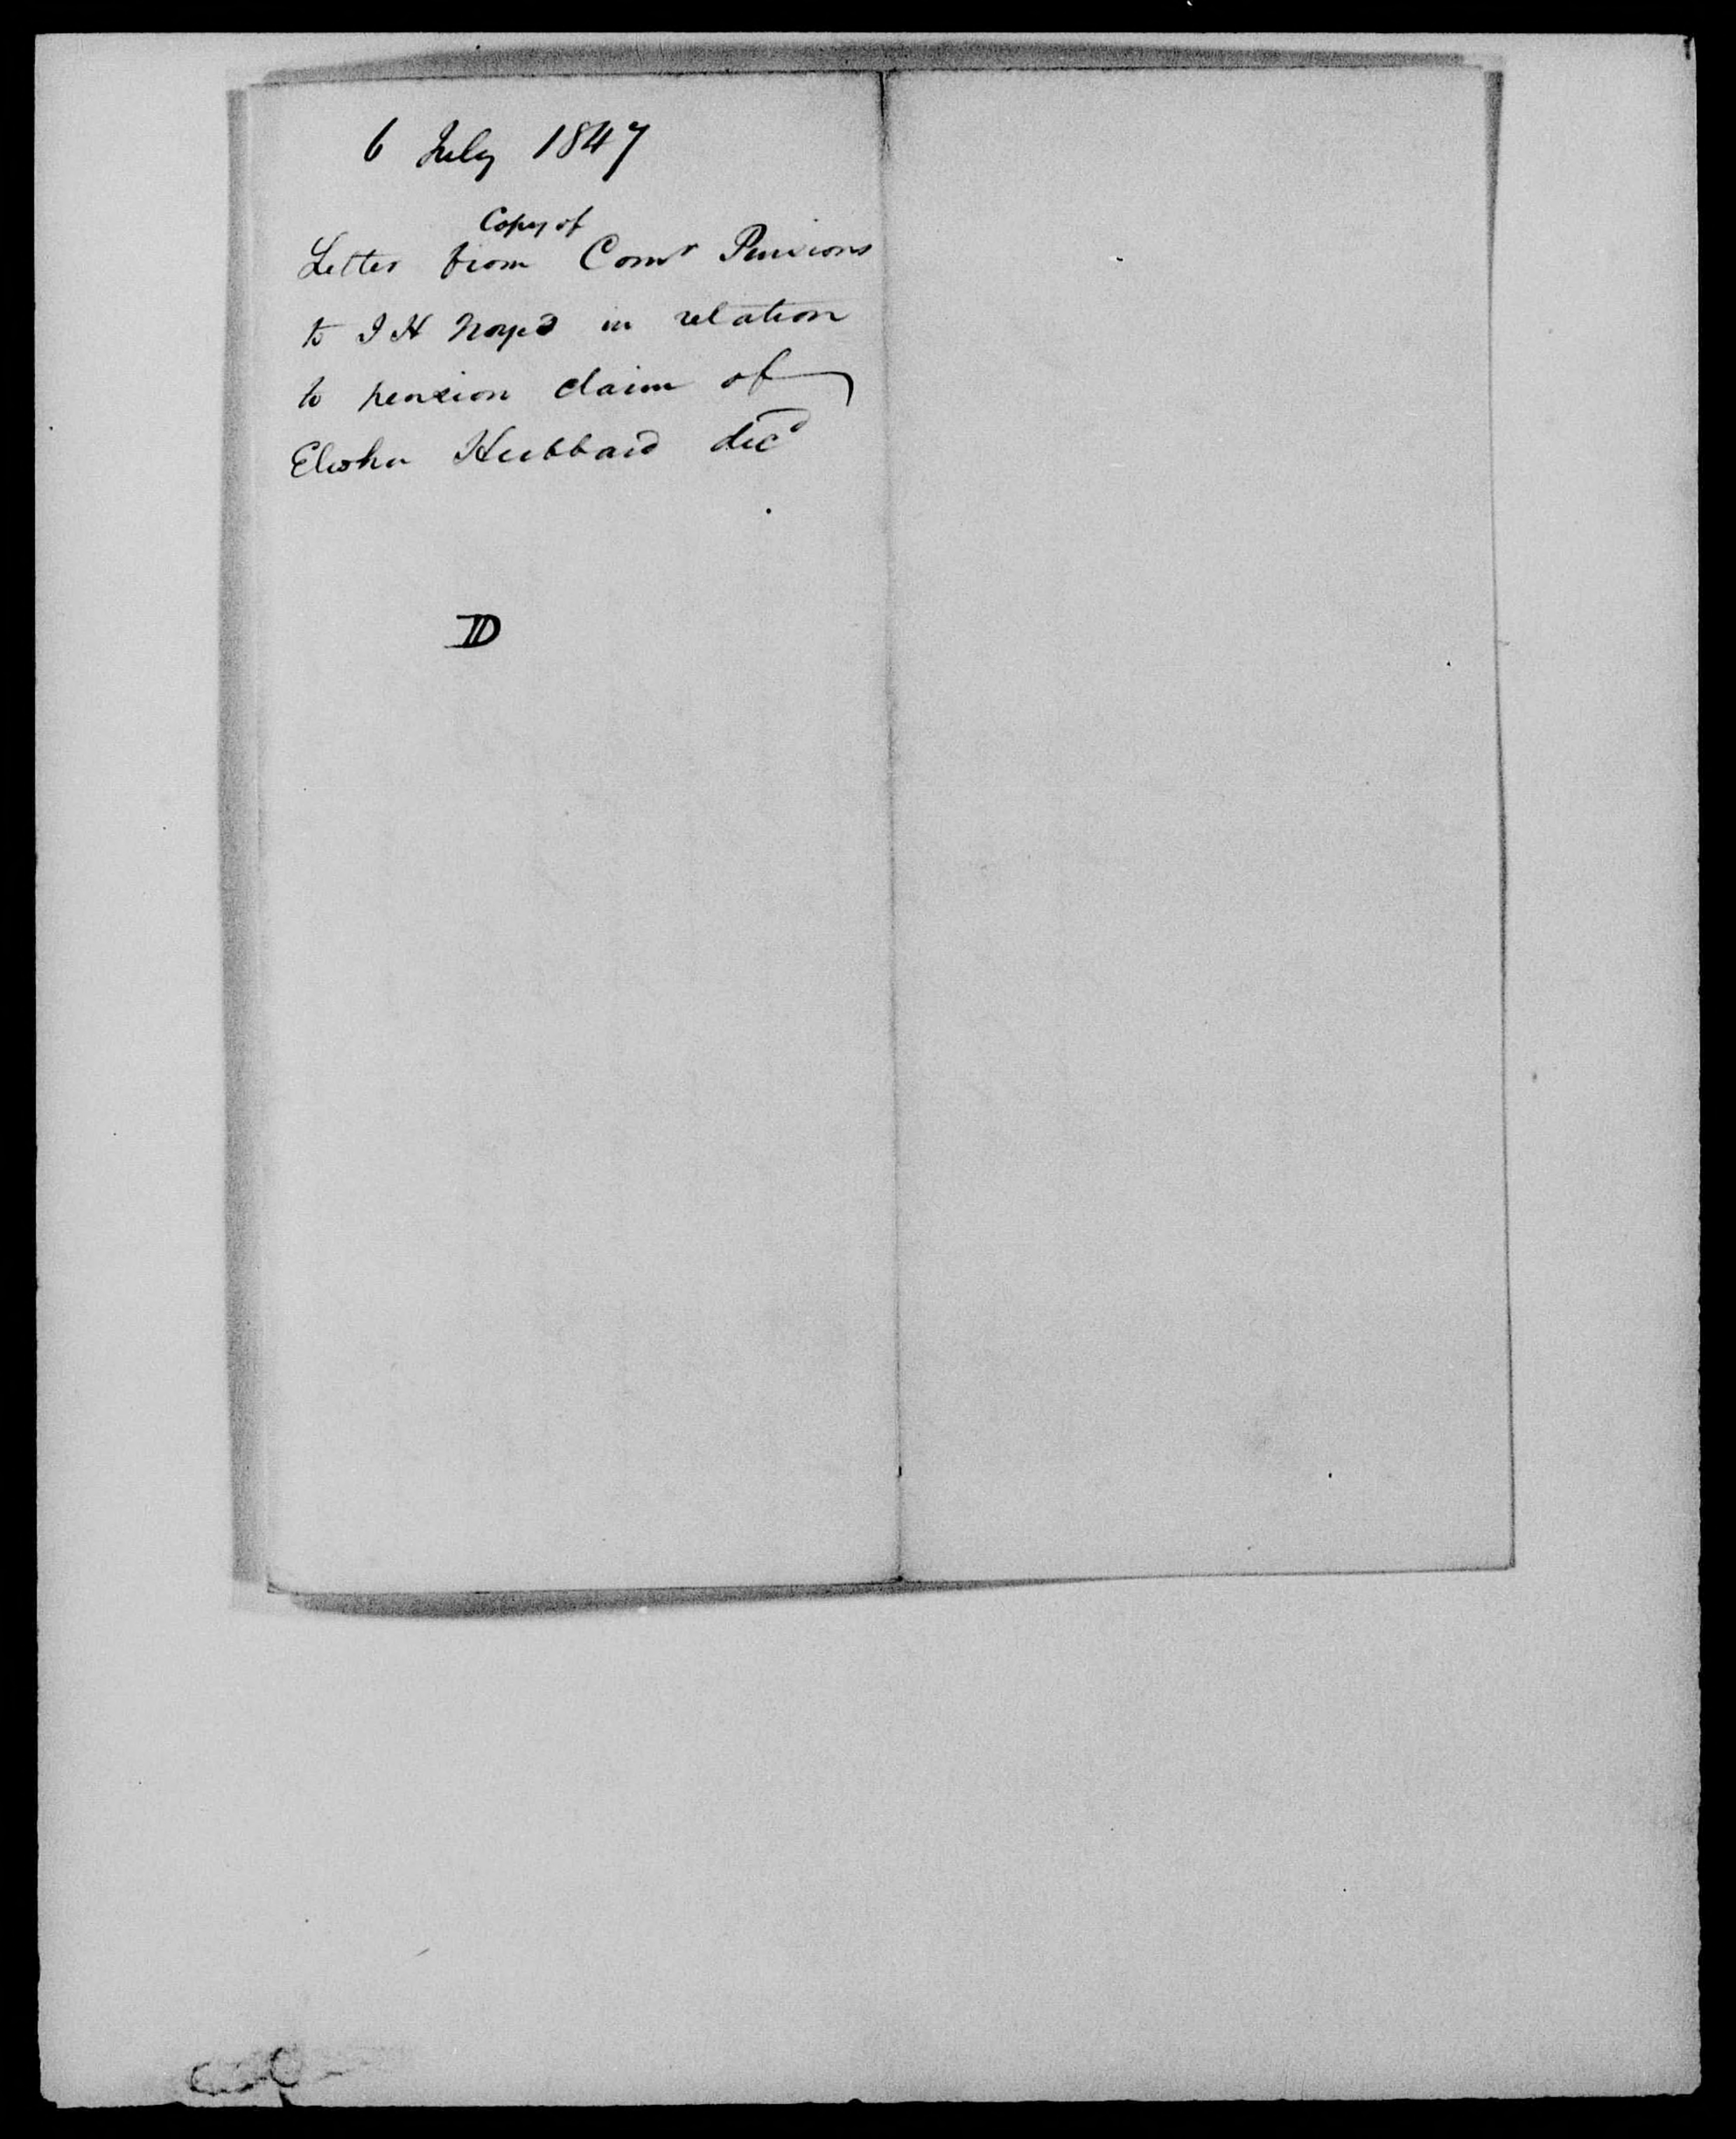6 July 1847

Copy of Letter from Comr Pensions to J H Noyes in relation to pension claim of Elisha Hubbard decd


ID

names: J H Noyes, Elisha Hubbard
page: 32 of 63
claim: survivor's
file: S. 18457, Elisha Hubbard, Conn. Continental